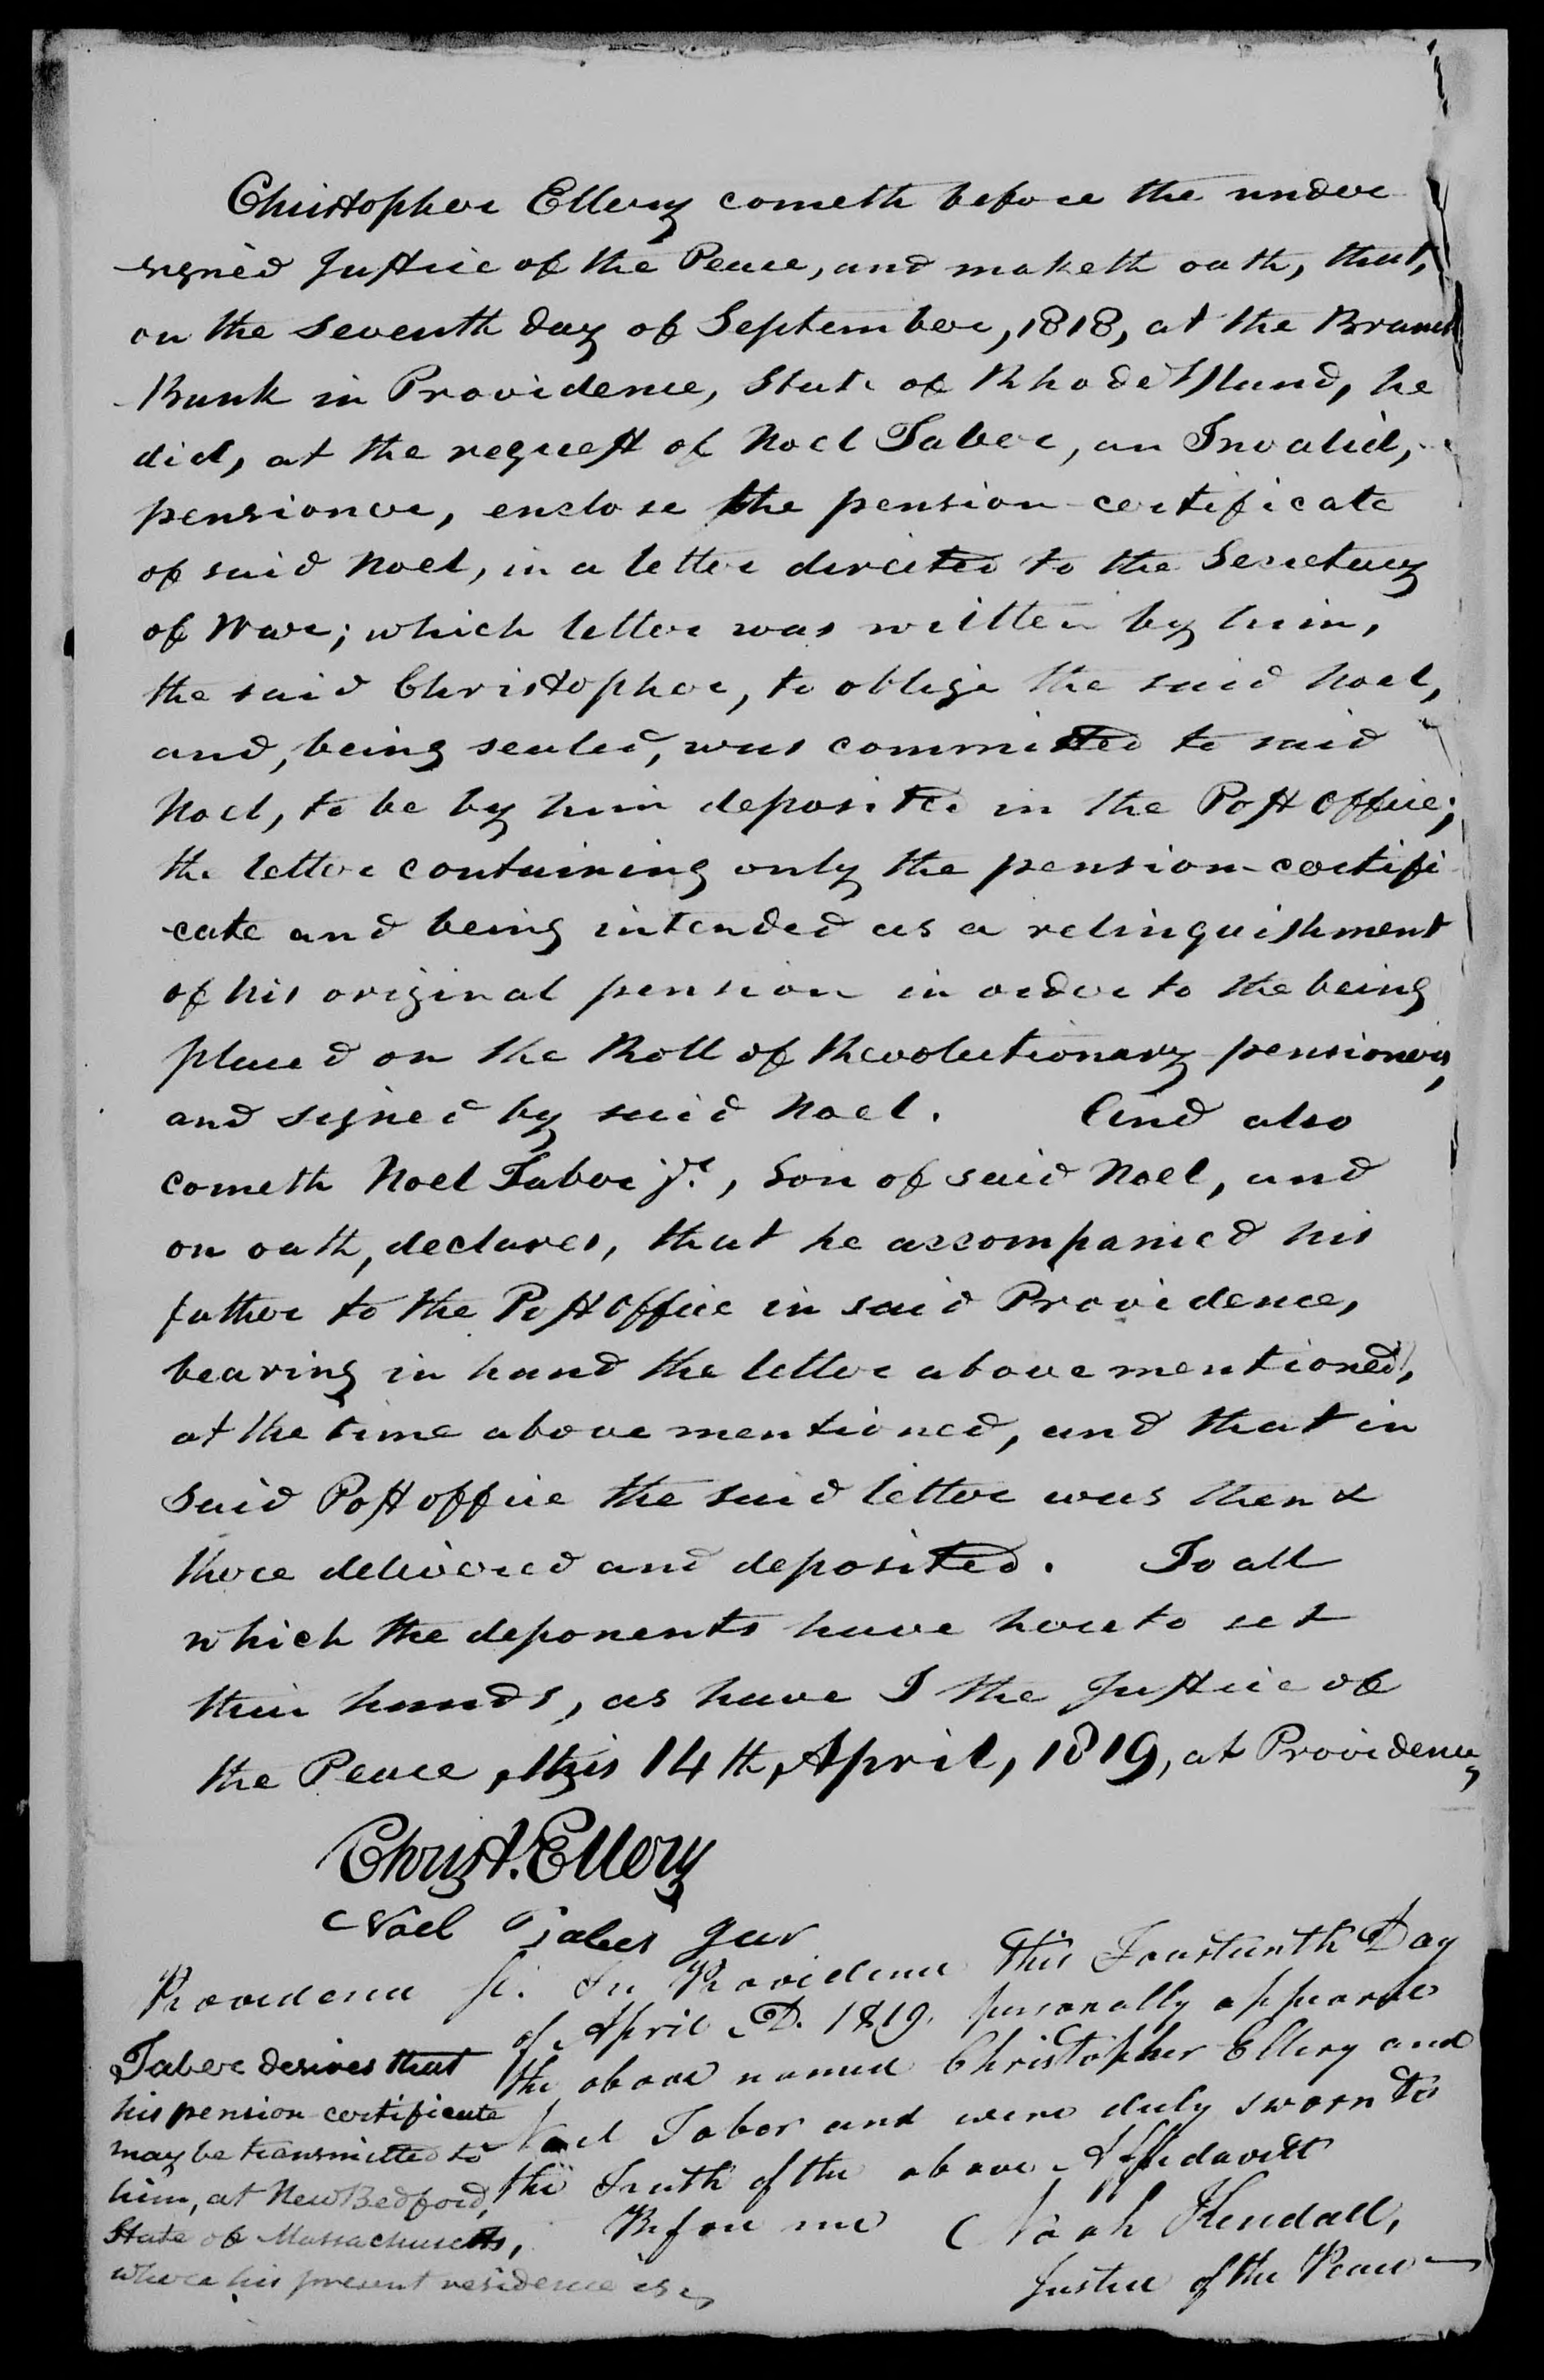Christopher Ellress cometh before the under
signed Justice of the Peace, and maketh oath, that,
on the seventh Day of September, 1818, at the Branch
Bank in Providence, State of Rhode Island, he
did, at the request of Noel Taber, an Invalid,
pensioners, enclose the pension certificate
of said Noel, in a letter directed to the seceretary
of War; which letter was written by him,
the said Christopher, to obliage the said Noel
and, being sealed, was committed to said
Noel, to be by him deposited in the Postoffice;
the letter containing only the pension certifi
cate and being intended as a relinquishment
of his original pension in order to the being
placed on the Roll pf Revolutionary pensions;
and signed by said Noel. And also
cometh Noel Taber jr, Son of said Noel, and
on oath, declared,that he accompanied his
father to the Postoffice in said Providence,
bearing in hand the letter above mentioned, 
at the time above mentioned, and that in said Postoffice the said letter was then &
there delivered and deposited. To all
which the deponents have had to set
their hands, as have I the Justice of
the Peace, this 14th, April, 1819, at Providence
Christ, Ellery
Noel Taber [illegible] 
R I Providence this Fourteenth Day
of April A. D. 1819 personally appeared
the above named Christopher Ellery and Noel Taber and was duly sworn to
the truth of the above affidavitt
Before me 
Isah Hendall
Justice of the Peace
Taber denies that
 his pension certificate
 may be transmitted to
him, at New Bedford
State of Massachusetts,
where his permanet residencey 
him, at New Bedford, State of Ma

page: 12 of 22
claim: survivor's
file: S 33777, for Noel Taber, Rhode Island